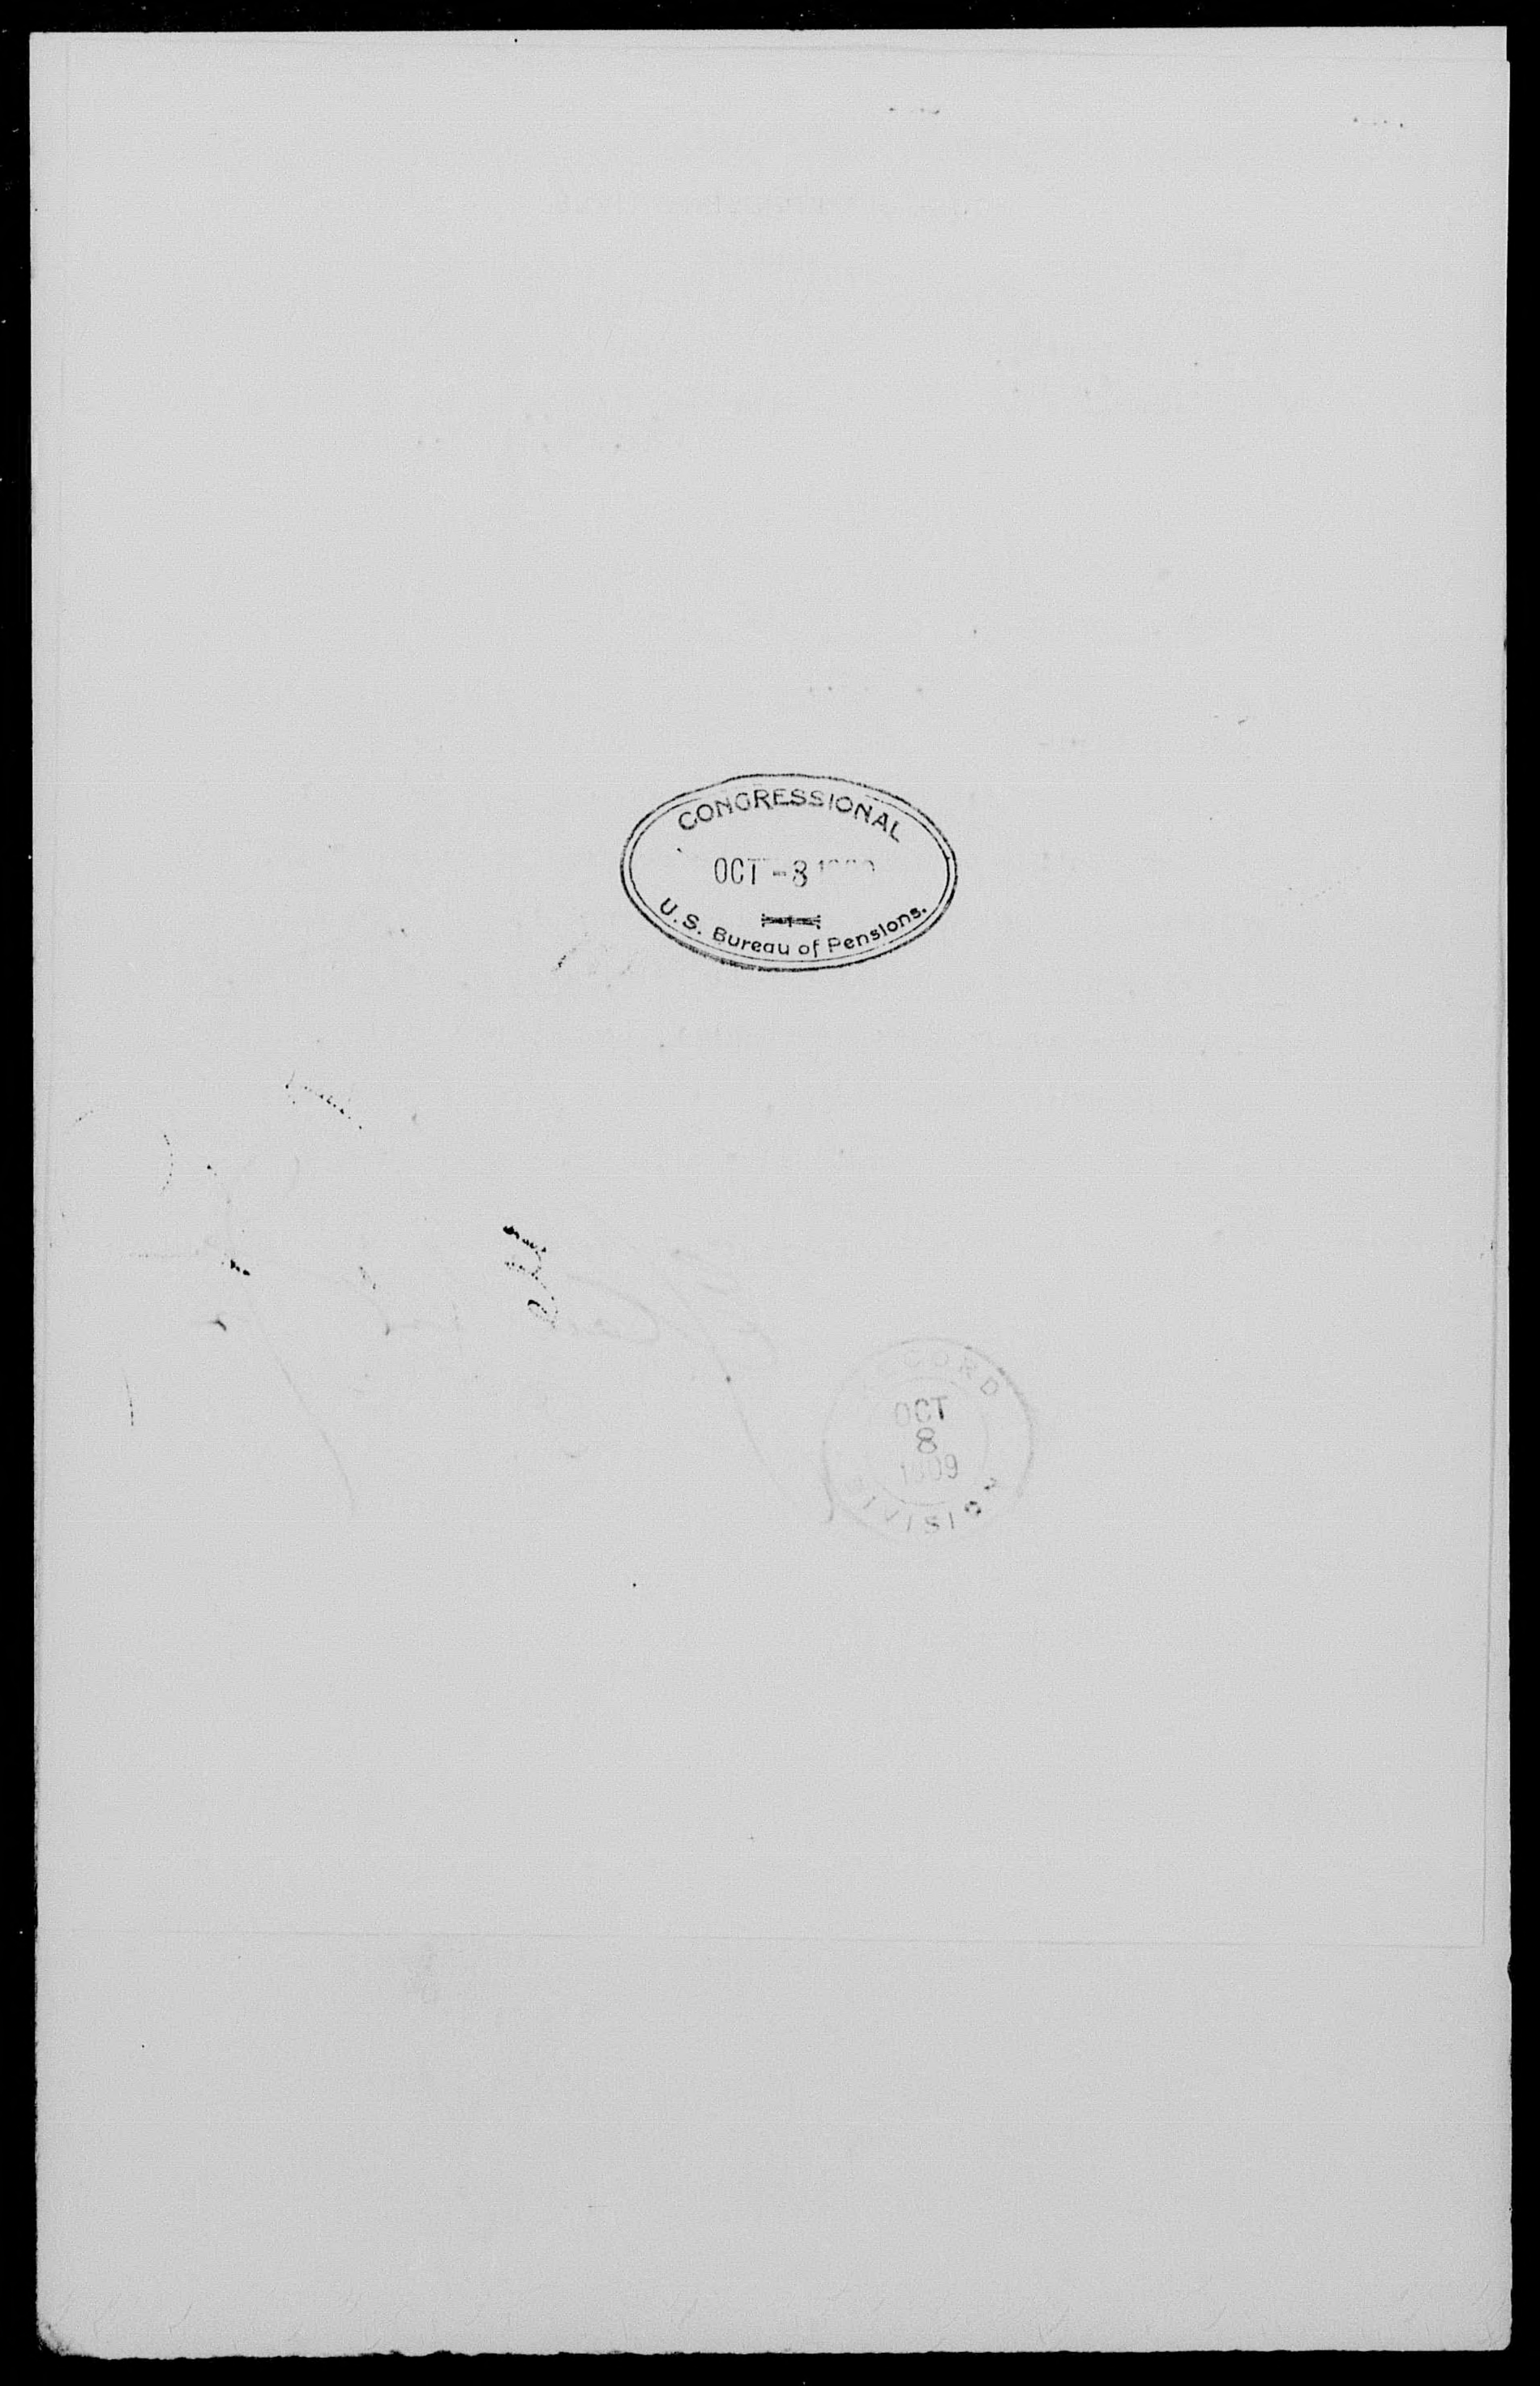[oval stamp:
CONGRESSIONAL
OCT - 8 [illegible]
U. S. Bureau of Pensions.]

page: 39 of 42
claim: survivor's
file: S. 6579, Henry Barnhill, N. C.